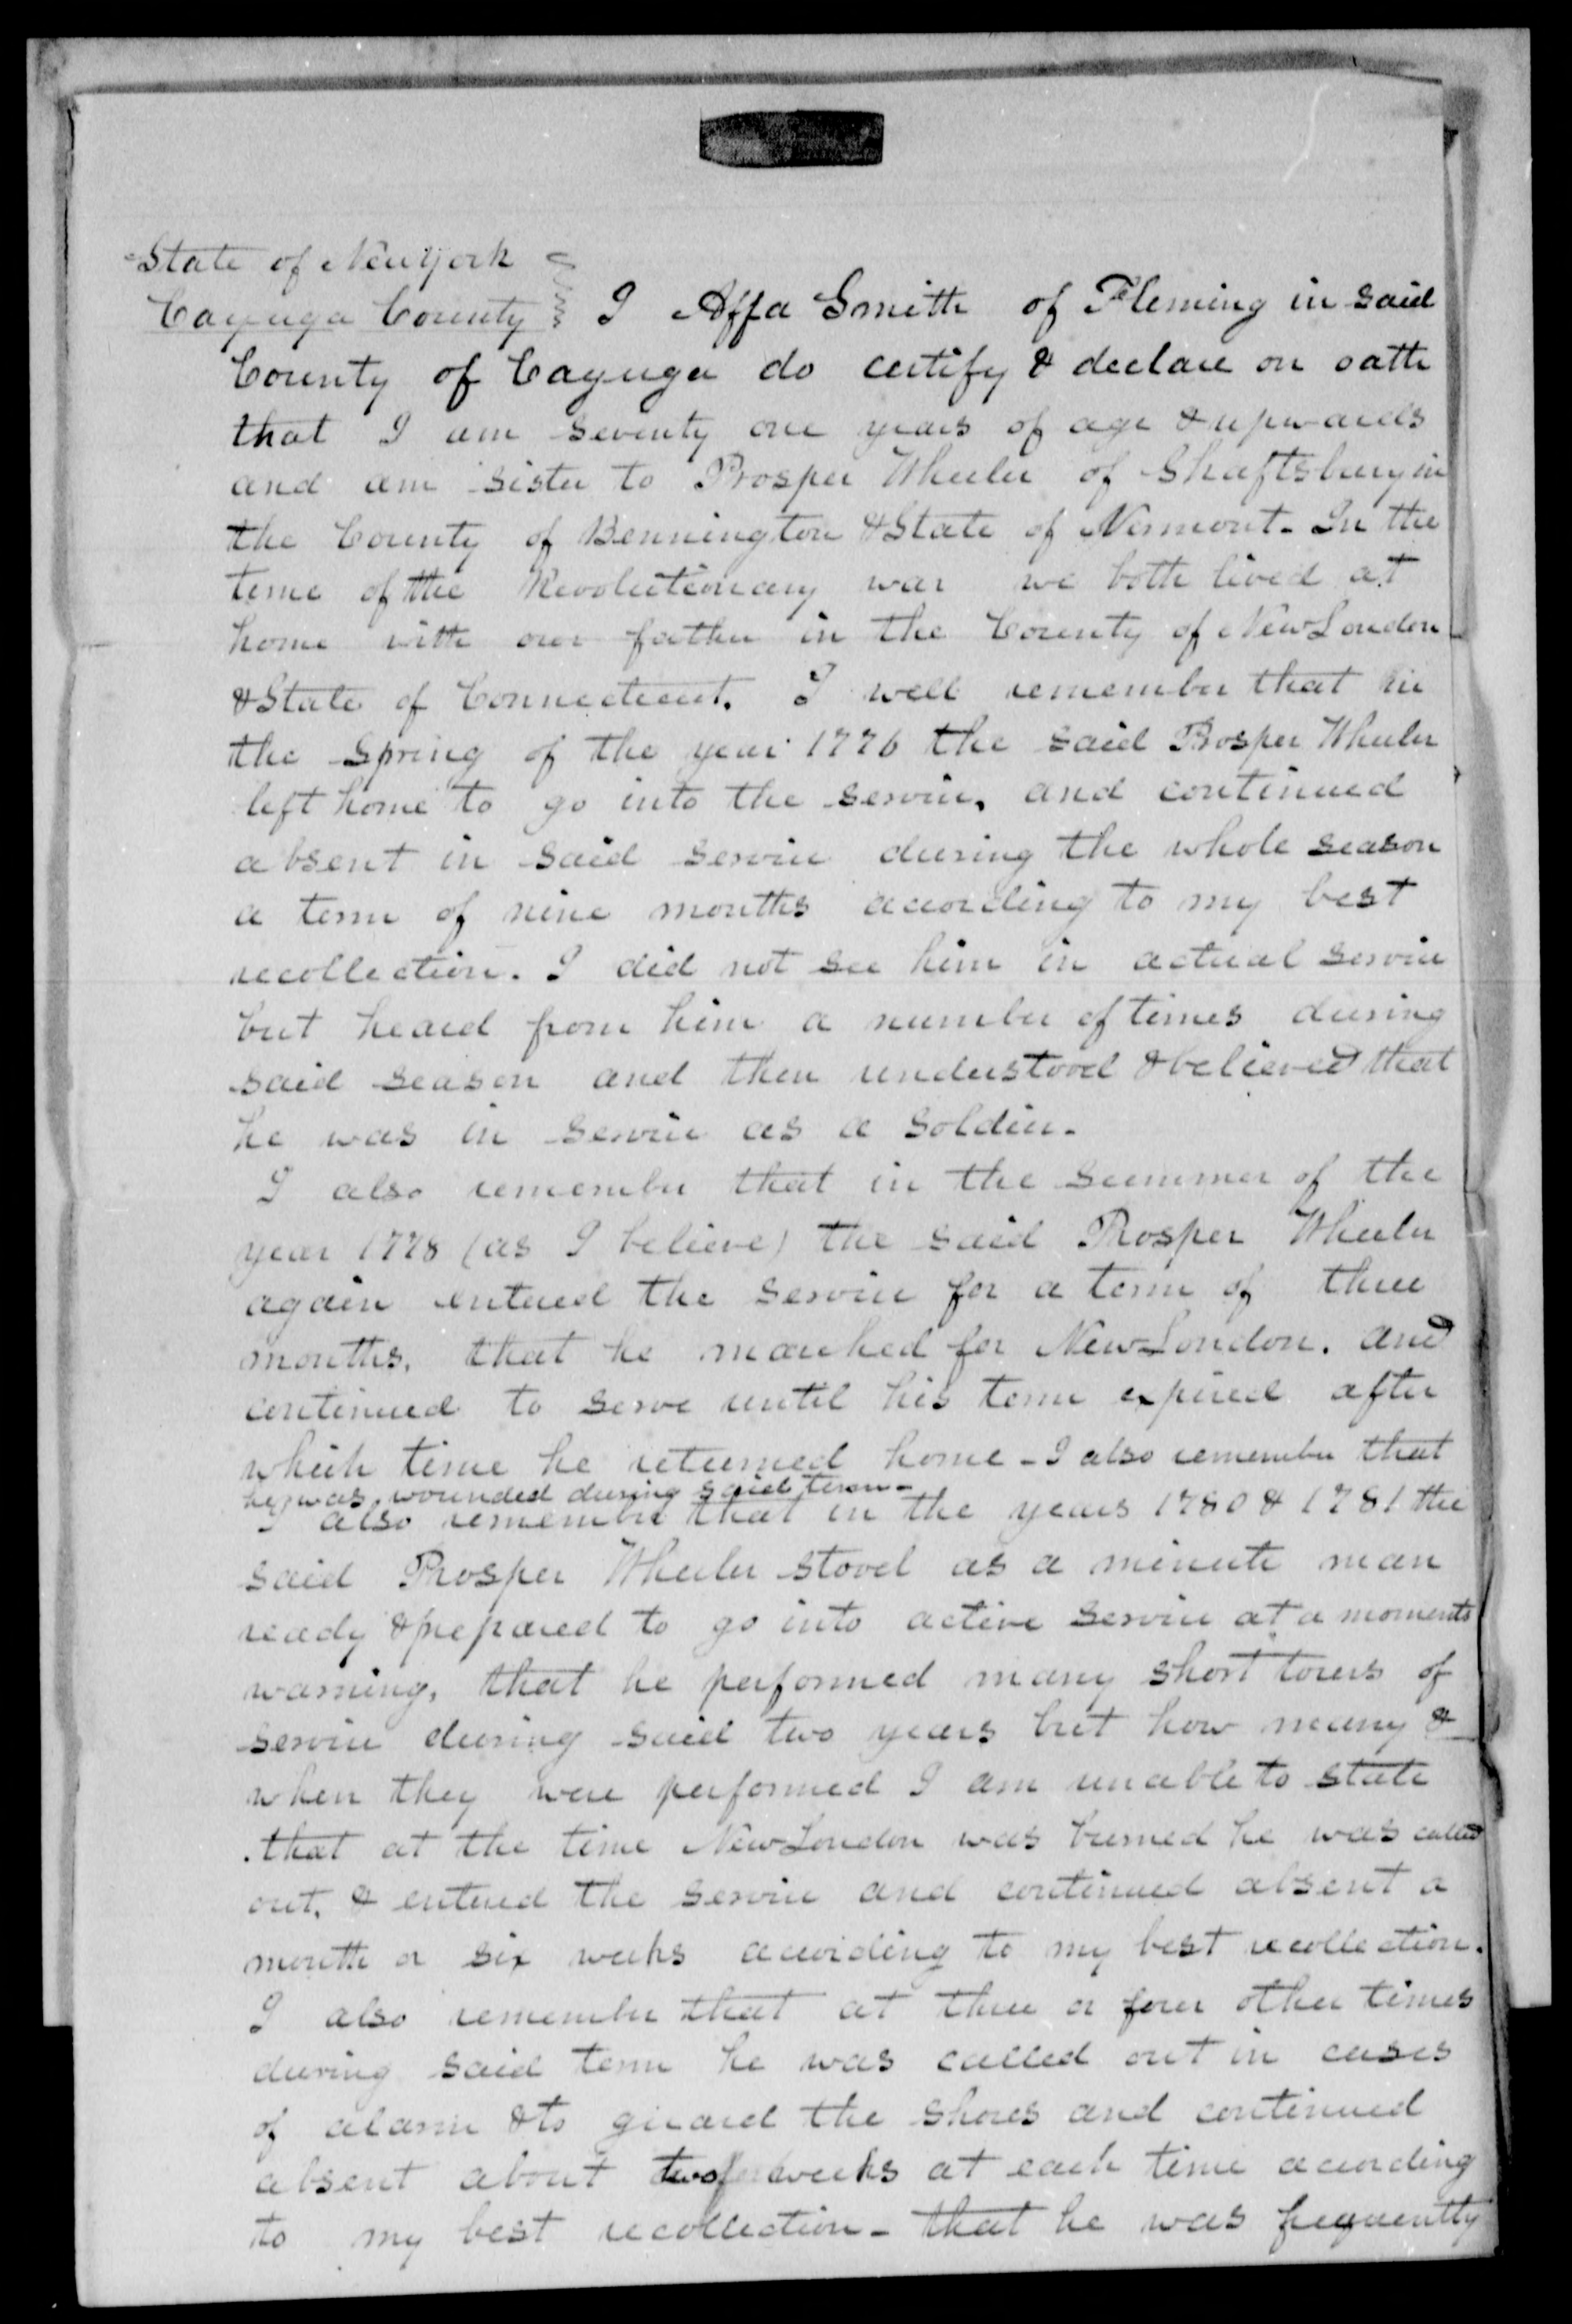State of New York
Cayuga County } 
I Affa Smith of Fleming in said County of Cayuga do certify & declare on oath that I am seventy one years of age & upwards and am sister to Prosper Wheeler of Shaftsbury in the County of Bennington & State of Vermont. In the time of the Revolutionary war we both lived at home with our father in the County of New London & State of Connecticut. I well remember that in the Spring of the year 1776 the said Prosper Wheeler left home to go into the service, and continued absent in said service during the whole season a term of nine months according to my best recollection. I did not see him in actual service but heard from him a number of times during said season and then understood & believed that he was in service as a Soldier.
I also remember that in the summer of the year 1778 (as I believe) the said Prosper Wheeler again entered the service for a term of three months, that he marched for New London, and continued to serve until his time expired after which time he returned home-- I also remember that he was wounded during said term.
I also remember that in the years 1780 & 1781 the said Prosper Wheeler stood as a minute man ready & prepared to go into active service at a moments warning, that he performed many short tours of service during said two years but how many & when they were performed I am unable to state that at the time New London was burned he was called out & entered the service and continued absent a month or six weeks according to my best recollection. 
I also remember that at three or four other times during said term he was called out in cases of alarm & to guard the shores and continued absent about two weeks at each time according to my best recollection, that he was frequently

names: Prosper Wheeler, Affa Smith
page: 11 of 29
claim: widow's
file: W. 22604, Prosper Wheeler, Conn.